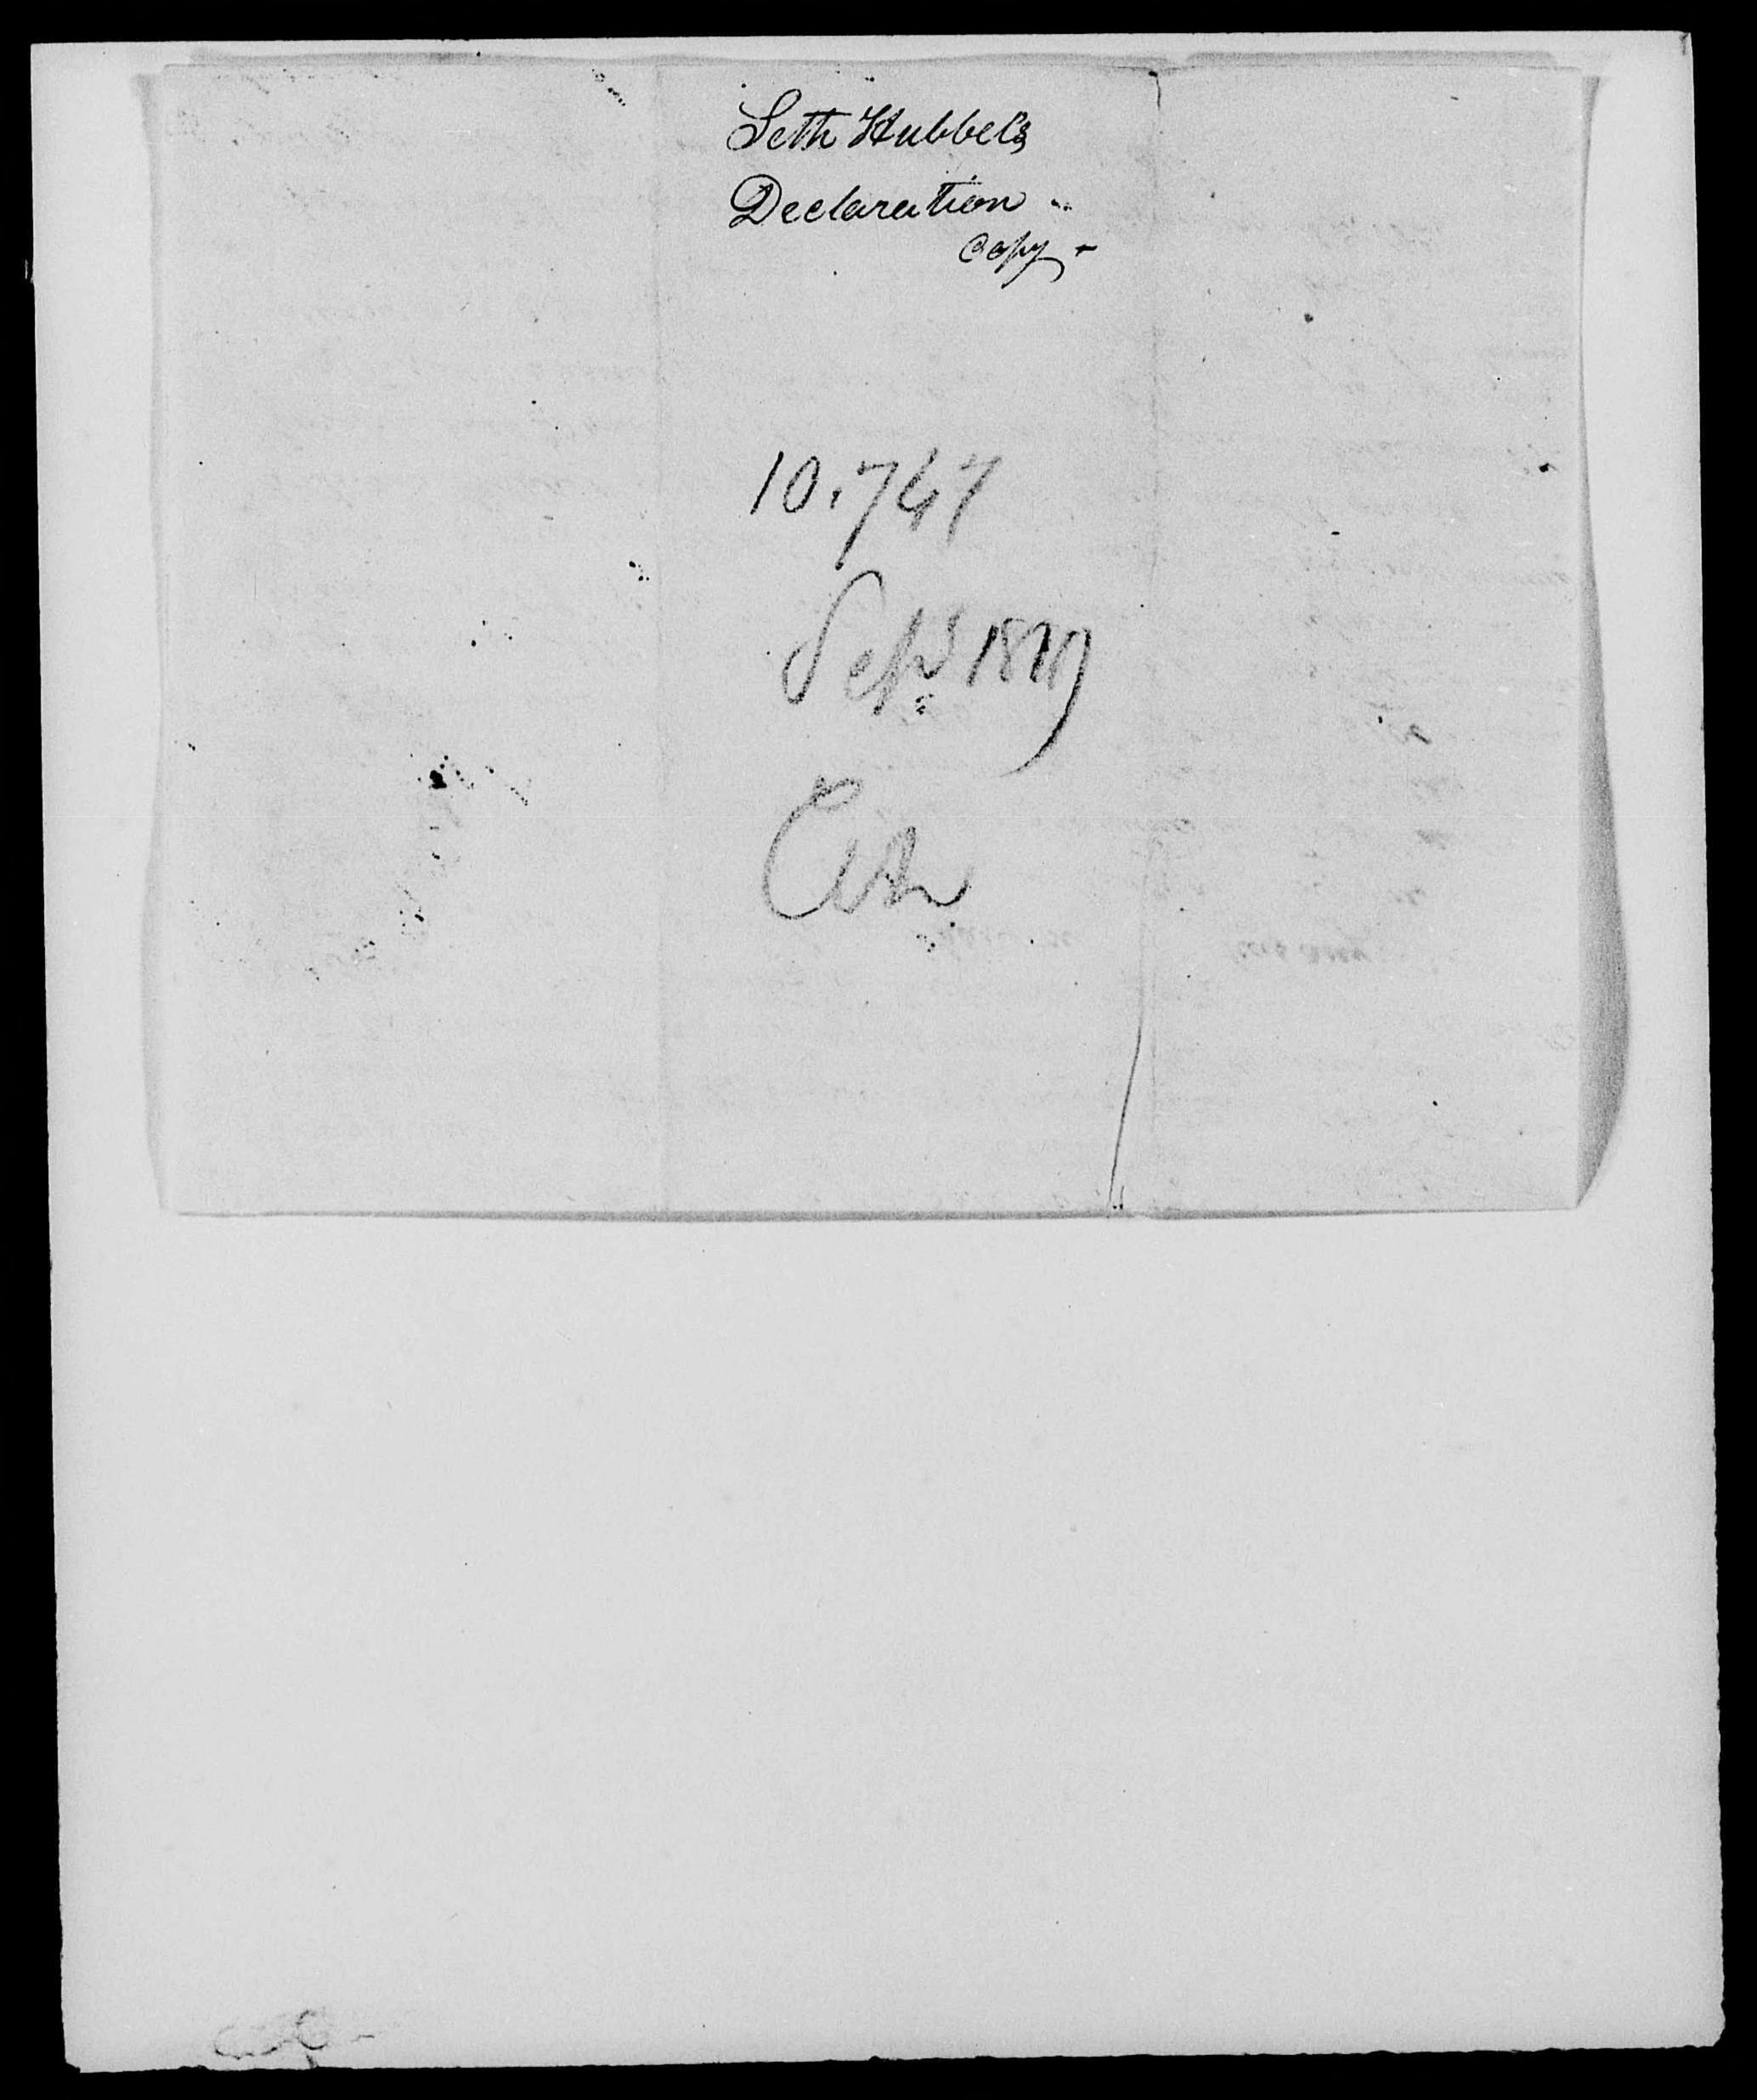Seth Hubbel's
Declaration
copy
10.767
Sep 1819
Cash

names: Seth Hubbel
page: 43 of 114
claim: widow's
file: W. 2115, Seth Hubbell, Conn.